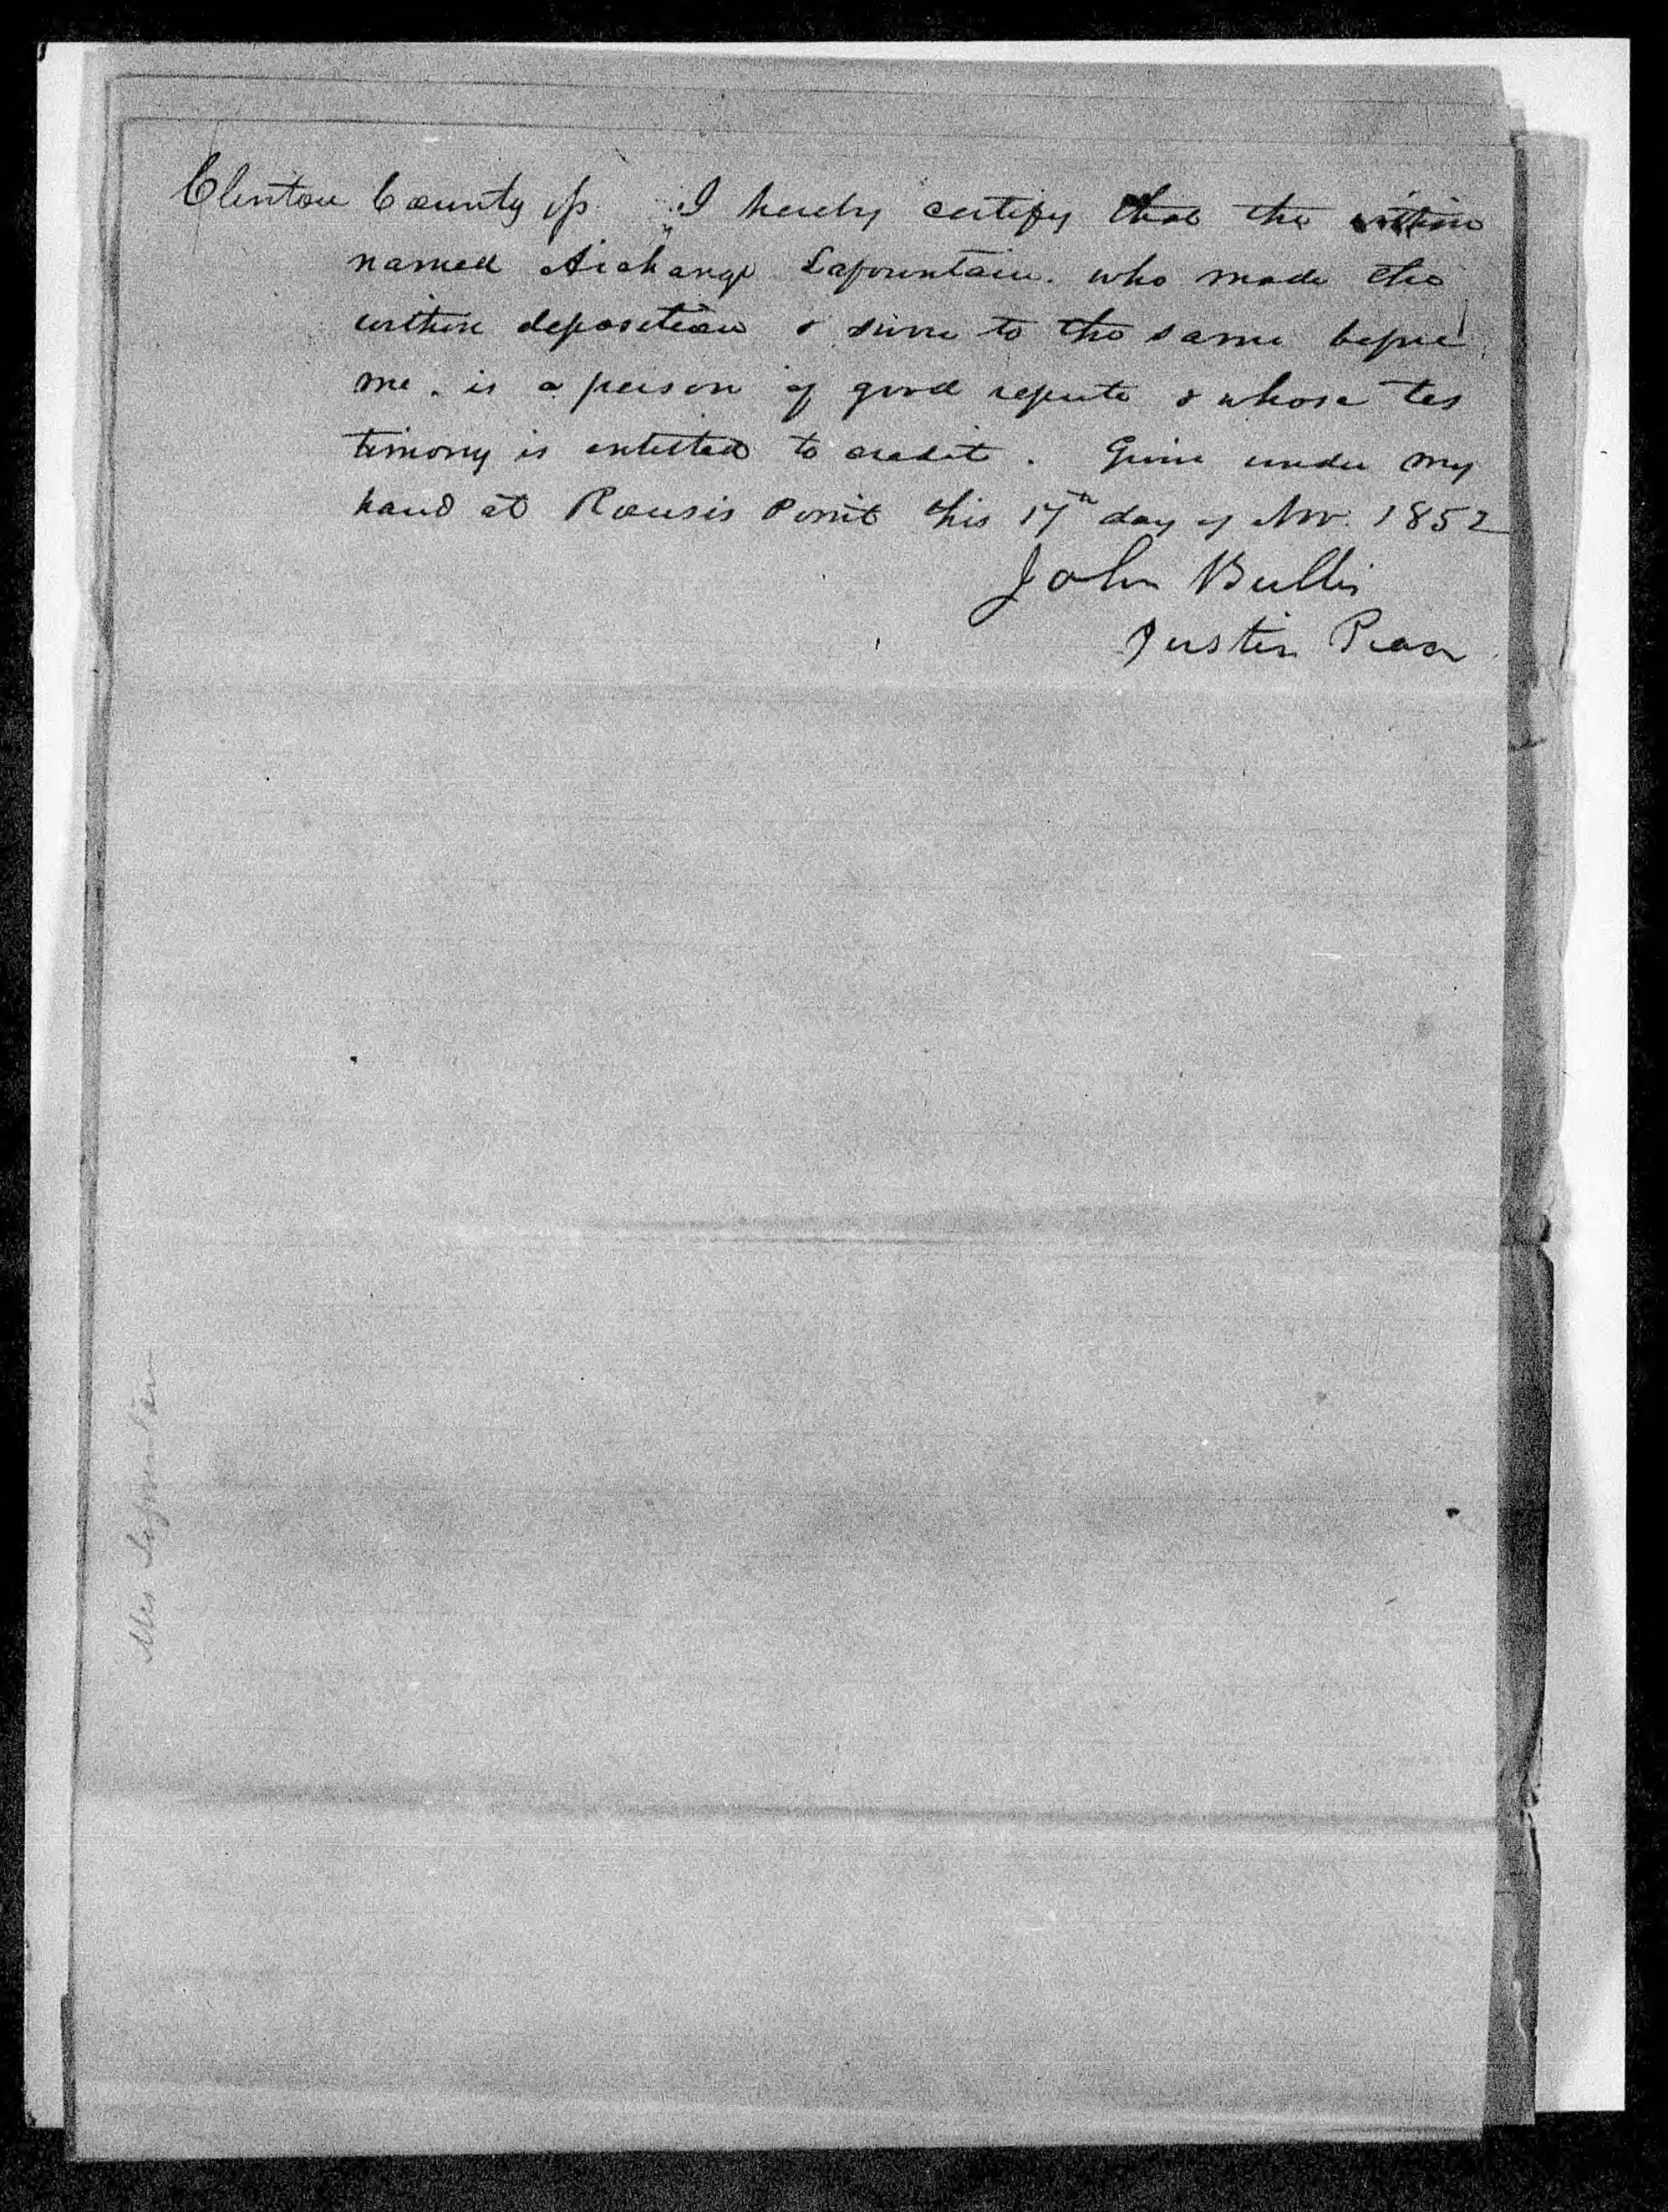Clinton County ss
I hereby certify that the [illegible] named Aichange Lafountain who made the within deposition & swore to the same before me, is a person of good repute & whose testimony is entitled to credit. Given under my hand at Rouse's Point this 17th day of Nov. 1852
John Bullis   Justis Peace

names: Lafountain, John Bullis, Archange Lafountain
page: 41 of 98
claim: widow's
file: W. 21182, Francis Gigo, Continental (Canadian)